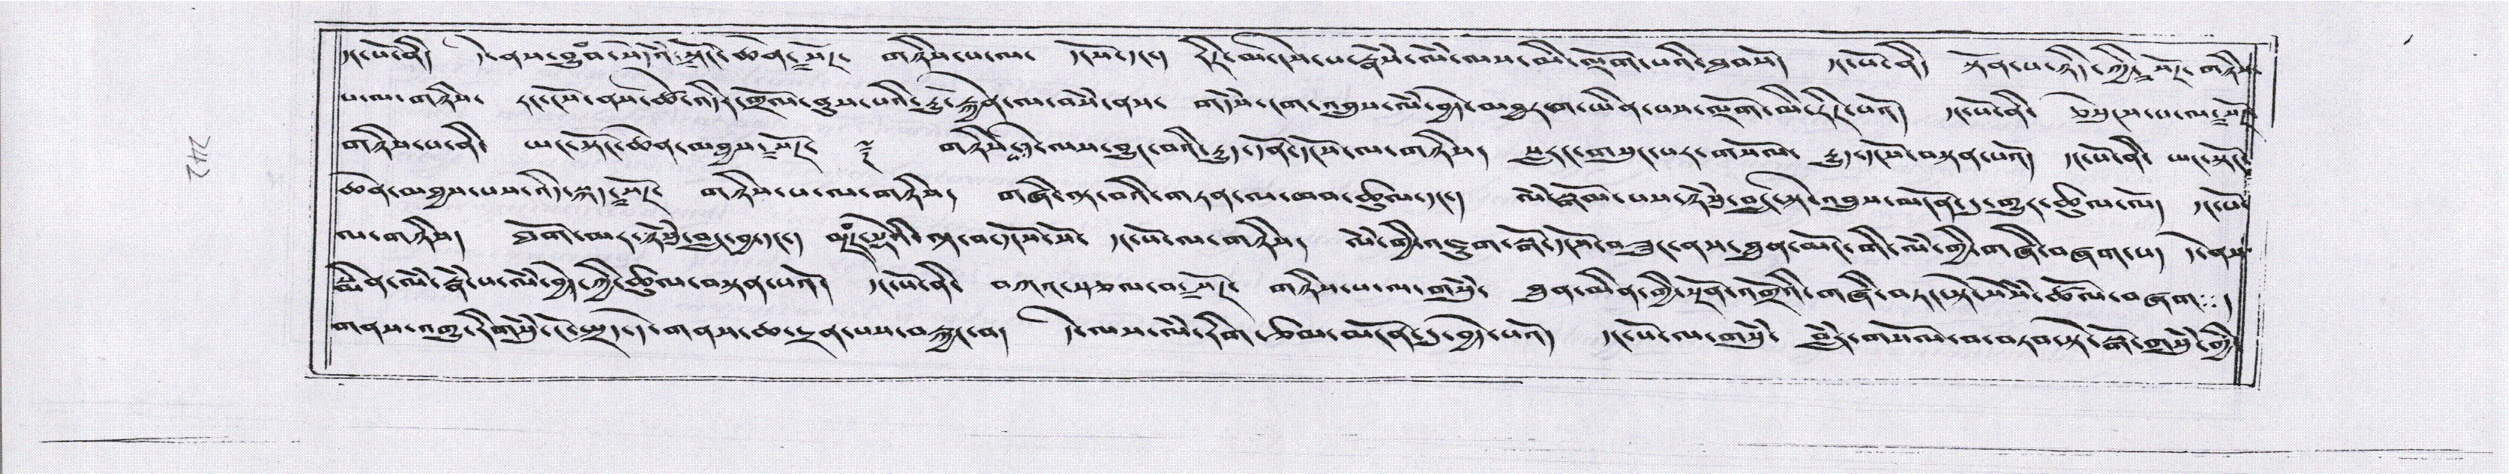དང་པོ་ནི། དེ་ནས་བྱང་ཆུབ་སེམས་དཔའ་སྟོང་ཆེན་སོགས། གཉིས་པ་ལ། དངོས་དང། རིགས་མ་ངེས་པ་རྣམས་ལམ་ལས་མི་ལྡོག་པའི་ཐབས་སོ། དང་པོ་ནི། སྟོན་པ་ཉིད་ཀྱི་སོགས། གཉིས་
པ་ལ་གཉིས། རང་ངོས་ནས་ཚེ་འདིར་གྲོལ་ནུས་པའི་རྒྱུ་རྐྱེན་ལ་བསམ་ནས། གདམས་ངག་འབྲས་བུ་ལམ་བྱེད་མཐར་ཐུག་ཡིན་པས་ལྡོག་མི་རིགས་པའོ། དང་པོ་ནི། ཅེས་གསུངས་པ་ལ་སོགས། 
གཉིས་པ་ནི། ཡང་སྟོང་ཆེན་མཐར་ཐུགས་སོགས། ༑ གཉིས་པ་དེ་ལས་བྱུང་བའི་རྒྱུད་དོན་དངོས་ལ་གཉིས། སླར་ཡང་གསུང་པར་གསོལ། རྒྱུད་དངོས་བསྟན་པའོ། དང་པོ་ནི། ཡང་སྟོང་
ཆེན་མཐར་ཐུགས་པས་འདི་སྐད་སོགས། གཉིས་པ་ལ་གཉིས། གཞི་ལྟ་བའི་གཏནལ་ཕབ་ཚུལ་དང། ལམ་སྒོམ་པས་ཉམས་སུ་བླང་སྟེ་འབྲས་བུ་མངོན་དུ་གྱུར་ཚུལ་ལོ། དང་པོ་
ལ་གཉིས། ཐོག་མར་ཉམས་སུ་བླང་བྱ་དང། མན་ངག་སྡེའི་ལྟ་བ་དངོས་སོ། དང་པོ་ལ་གཉིས། ལམ་གྱི་འཇུག་སྒོ་དངོས་བཟུང་ནས་ཐུན་མོང་གི་ལམ་གྱི་གཞི་བཞག་པ། དེ་ནས་
སྨིན་ལམ་རྣམ་པ་ལམ་བྱེད་ཀྱི་ཚུལ་བསྟན་པའོ། དང་པོ་ནི། བཀའ་སྩལ་བ་སོགས། གཉིས་པ་ལ་གསུམ། ཐུན་མིན་གྱི་སྔོན་འགྲོའི་གཞི་བཏང་སྟེ་སེམས་ཚོལ་བཞག་
གནས་འགྱུ་རིགས་གསུམ་ངོ་སྤྲད་དེ་གནས་ཆ་དྲན་པས་བསྐྱང་བ། དེ་ལས་ལམ་རིག་ཙམ་མངོན་དུ་བྱེད་པའོ། དང་པོ་ལ་གསུམ། བླ་མར་གསོལ་བ་བཏབ་སྟེ་སྒོ་གསུམ་གྱི་